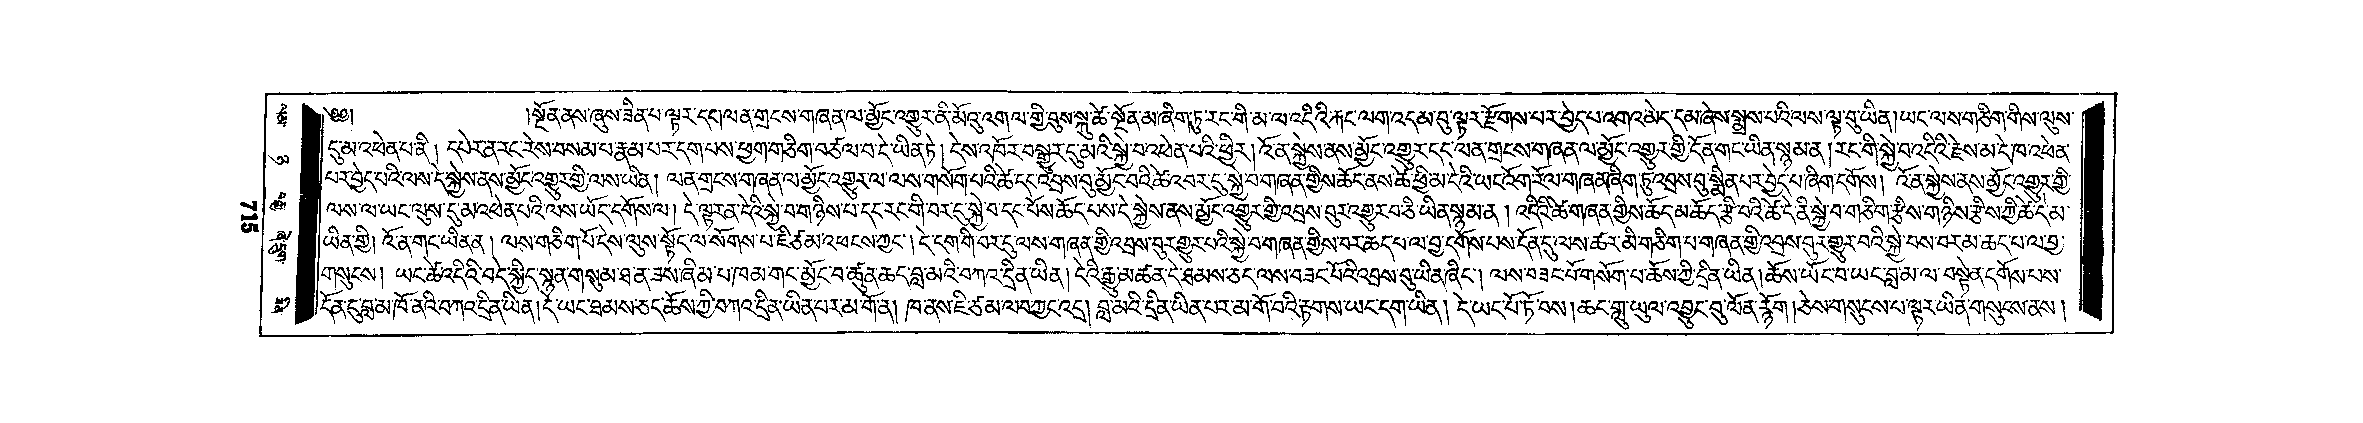༄༅། །སྔོན་ནས་ཞུས་ཟིན་པ་ལྟར་དང་། ལན་གྲངས་གཞན་ལ་མྱོང་འགྱུར་ནི་མོའུ་འགལ་གྱི་བུས་སྐུ་ཚེ་སྔོན་མ་ཞིག་ཏུ་རང་གི་མ་ལ་འདིའི་རྐང་ལག་འདམ་བུ་ལྟར་རྫོགས་པར་བྱེད་པ་འགའ་མེད་དམ་ཞེས་སྨྲས་པའི་ལས་ལྟ་བུ་ཡིན། ཡང་ལས་གཅིག་གིས་ལུས་
དུ་མ་འཕེན་པ་ནི། དཔེར་ན་རང་རེས་བསམ་པ་རྣམ་པར་དག་པས་ཕྱག་གཅིག་བཙལ་བ་དེ་ཡིན་ཏེ། དེས་འཁོར་བསྒྱུར་དུ་མའི་སྐྱེ་བ་འཕེན་པའི་ཕྱིར། འོ་ན་སྐྱེས་ནས་མྱོང་འགྱུར་དང་ལན་གྲངས་གཞན་ལ་མྱོང་འགྱུར་གྱི་དོན་གང་ཡིན་སྙམ་ན། རང་གི་སྐྱེ་བ་འདིའི་རྗེས་མ་དེ་ཁ་འཕེན་
པར་བྱེད་པའི་ལས་དེ་སྐྱེས་ནས་མྱོང་འགྱུར་གྱི་ལས་ཡིན། ལན་གྲངས་གཞན་ལ་མྱོང་འགྱུར་ལ་ལས་གསོག་པའི་ཚེ་དང་འབྲས་བུ་མྱོང་བའི་ཚེ་འབར་དུ་སྐྱེ་བ་གཞན་གྱིས་ཆོད་ནས་ཚེ་ཕྱི་མ་དེའི་ཡང་འོག་རོལ་གཞན་ཞིག་ཏུ་འབྲས་བུ་སྨིན་པར་བྱེད་པ་ཞིག་དགོས། འོ་ན་སྐྱེས་ནས་མྱོང་འགྱུར་གྱི་
ལས་ལ་ཡང་ལུས་དུ་མ་འཕེན་པའི་ལས་ཡོད་དགོས་ལ། དེ་ལྟར་ན་དེའི་སྐྱེ་བ་གཉིས་པ་དང་རང་གི་བར་དུ་སྐྱེ་བ་དང་པོས་ཆོད་པས་དེ་སྐྱེས་ནས་མྱོང་འགྱུར་གྱི་འབྲས་བུར་འགྱུར་བ་ཅི་ཡིན་སྙམ་ན། འདིའི་ཚེ་གཞན་གྱིས་ཆོད་མ་ཆོད་རྩི་བའི་ཚེ་དེ་ནི་སྐྱེ་བ་གཅིག་རྩིས་གཉིས་རྩིས་ཀྱི་ཚེ་དེ་མ་
ཡིན་གྱི། འོ་ན་གང་ཡིན་ན། ལས་གཅིག་པོ་དེས་ལུས་སྟོད་ལ་སོགས་པ་ཇི་ཙམ་འཕངས་ཀྱང་། དེ་དག་གི་བར་དུ་ལས་གཞན་གྱི་འབྲས་བུར་གྱུར་པའི་སྐྱེ་བ་གཞན་གྱིས་བར་ཆད་པ་ལ་བྱ་དགོས་པས་དོན་དུ་ལས་ཚར་མི་གཅིག་པ་གཞན་གྱི་འབྲས་བུར་གྱུར་པའི་སྐྱེ་བས་བར་མ་ཆད་པ་ལ་བྱ་
གསུངས། ཡང་ཚེ་འདིའི་བདེ་སྐྱིད་སྙན་གསུམ་ཐ་ན་ཟས་ཞིམ་པ་ཁམ་གང་མྱོང་བ་ཚུན་ཆད་བླ་མའི་བཀའ་དྲིན་ཡིན། དེའི་རྒྱུ་མཚན་དེ་ཐམས་ཅད་ལས་བཟང་པོའི་འབྲས་བུ་ཡིན་ཞིང་། ལས་བཟང་པོ་གསོག་པ་ཆོས་ཀྱི་དྲིན་ཡིན། ཆོས་ཡོང་བ་ཡང་བླ་མ་ལ་བསྟེན་དགོས་པས་
དོན་དུ་བླ་མ་ཁོ་ནའི་བཀའ་དྲིན་ཡིན། དེ་ཡང་ཐམས་ཅད་ཆོས་ཀྱི་བཀའི་དྲིན་ཡིན་པར་མ་གོ་ན། ཁ་ནས་ཇི་ཙམ་ལབ་ཀྱང་འདྲ། བླ་མའི་དྲིན་ཡིན་པར་མ་གོ་བའི་རྟགས་ཡང་དག་ཡིན། དེ་ཡང་པོ་ཏོ་བས། ཆང་གླུ་ཡུལ་འབྱུང་བུ་ལོན་རྙོག །ཅེས་གསུངས་པ་ལྟར་ཡིན་གསུངས་ནས།